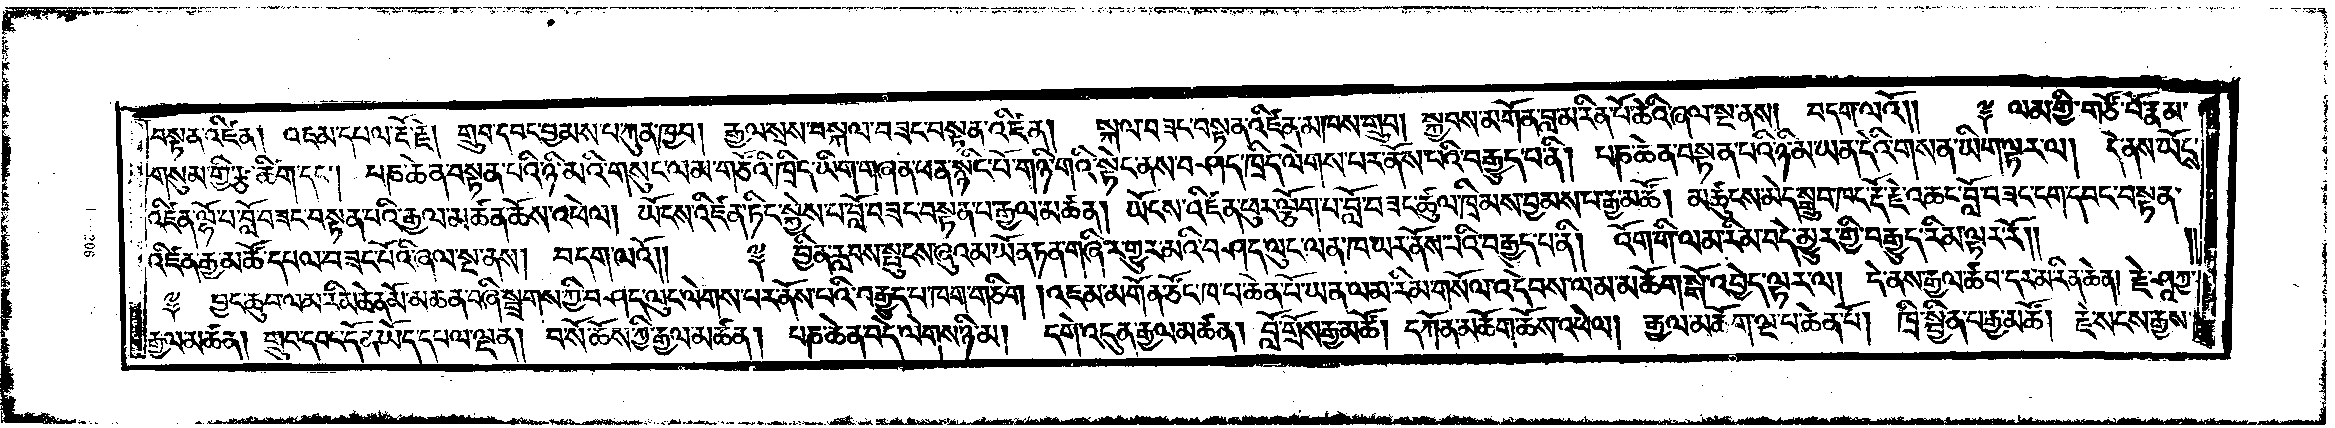བསྟན་འཛིན། འཇམ་དཔལ་རྡོ་རྗེ། གྲུབ་དབང་བྱམས་པ་ཀུན་ཁྱབ། རྒྱལ་སྲས་བསྐལ་བཟང་བསྟན་འཛིན། སྐལ་བཟང་བསྟན་འཛིན་མཁས་གྲུབ། སྐྱབས་མགོན་བླ་མ་རིན་པོ་ཆེའི་ཞལ་སྔ་ནས། བདག་ལའོ།། འ་ལམ་གྱི་གཙོ་བོ་རྣམ་
གསུམ་གྱི་རྩ་ཚིག་དང་། པཎ་ཆེན་བསྟན་པའི་ཉི་མའི་གསུང་ལམ་གཙོའི་ཁྲིད་ཡིག་གཞན་ཕན་སྙིང་པོ་གཉི་གའི་སྟེང་ནས་བཤད་ཁྲིད་ལེགས་པར་ནོས་པའི་བརྒྱུད་པ་ནི། པཎ་ཆེན་བསྟན་པའི་ཉི་མ་ཡན་དེའི་གསན་ཡིག་ལྟར་ལ། དེ་ནས་ཡོངས་
འཛིན་ལྷོ་པ་བློ་བཟང་བསྟན་པའི་རྒྱལ་མཚན་ཆོས་འཕེལ། ཡོངས་འཛིན་ཏིང་སྐྱེས་པ་བློ་བཟང་བསྟན་པ་རྒྱལ་མཚན། ཡོངས་འཛིན་ཕུར་ལྕོག་པ་བློ་བཟང་ཚུལ་ཁྲིམས་བྱམས་པ་རྒྱ་མཚོ། མཚུངས་མེད་སྒྲུབ་ཁང་རྡོ་རྗེ་འཆང་བློ་བཟང་ངག་དབང་བསྟན་
འཛིན་རྒྱ་མཚོ་དཔལ་བཟང་པོའི་ཞལ་སྔ་ནས། བདག་ལའོ།། འ་བྱིན་རླབས་སྤུངས་ཞུའམ་ཡོན་ཏན་གཞིར་གྱུར་མའི་བཤད་ལུང་ལན་ཁ་ཡར་ནོས་པའི་བརྒྱུད་པ་ནི། འོག་གི་ལམ་རིམ་བདེ་མྱུར་གྱི་བརྒྱུད་རིམ་ལྟར་རོ།། །།
འ་བྱང་ཆུབ་ལམ་རིམ་ཆེན་མོ་མཆན་བཞི་སྦྲགས་ཀྱི་བཤད་ལུང་ལེགས་པར་ནོས་པའི་བརྒྱུད་པ་ཁག་གཅིག། འཇམ་མགོ་ཙོང་ཁ་པ་ཆེན་པོ་ཡན་ལམ་རིམ་གསོལ་འདེབས་ལམ་མཆོག་སྒོ་འབྱེད་ལྟར་ལ། དེ་ནས་རྒྱལ་ཚབ་དར་མ་རིན་ཆེན། རྗེ་ཤཱཀྱ་
རྒྱལ་མཚན། གྲུབ་དབང་དོན་ཡོད་དཔལ་ལྡན། བ་སོ་ཆོས་ཀྱི་རྒྱལ་མཚན། པཎ་ཆེན་བདེ་ལེགས་ཉི་མ། དགེ་འདུན་རྒྱལ་མཚན། བློ་གྲོས་རྒྱ་མཚོ། དཀོན་མཆོག་ཆོས་འཕེལ། རྒྱལ་མཆོག་ལྔ་པ་ཆེན་པོ། ཁྲི་སྦྱིན་པ་རྒྱ་མཚོ། རྗེ་སངས་རྒྱས་